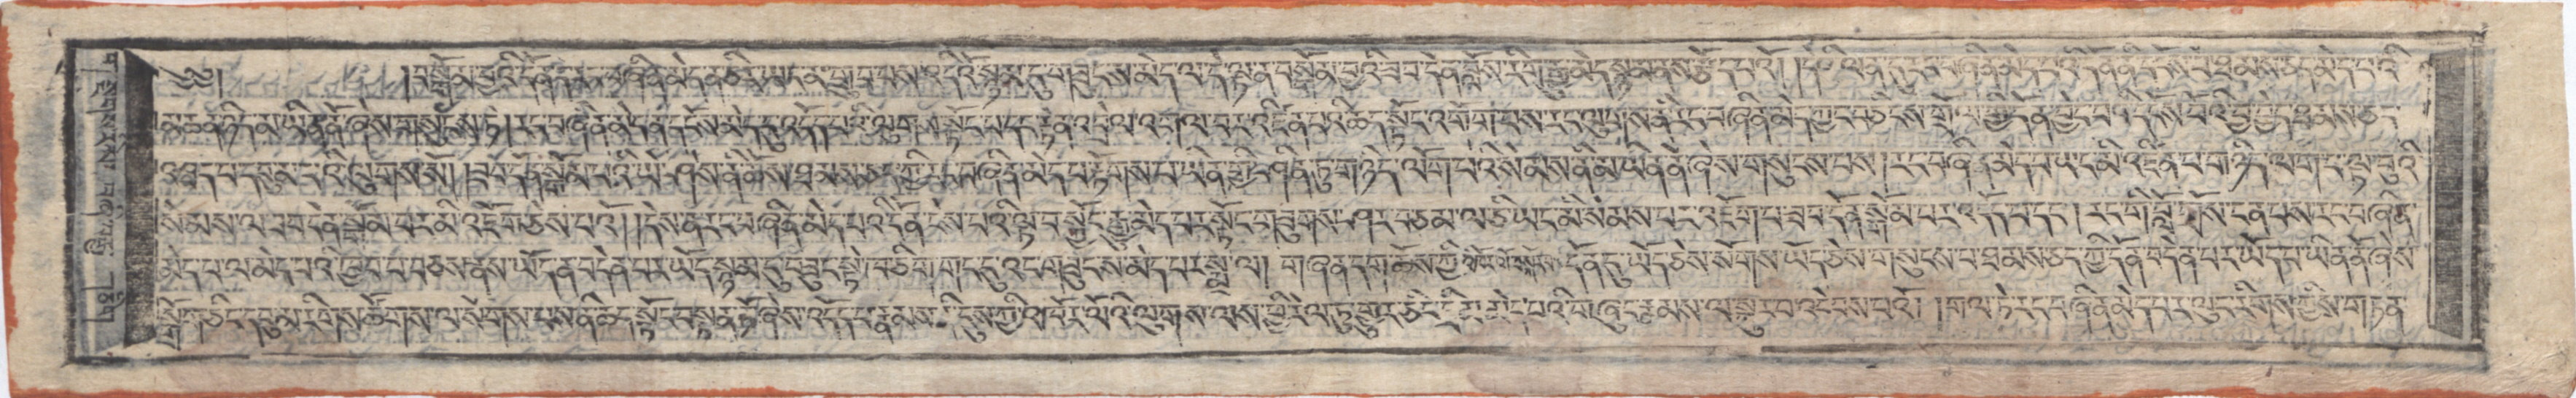༄༅། །བསྒོམ་བྱའི་དོན་དེ་རང་བཞིན་མེད་ན་ཅིར་ཡང་མ་གྲུབ་པས་འདིའོ་སྙམ་དུ་གཟུངས་མེད་ལ་དེ་ལྟ་ན་བསྒོམ་བྱའི་ཟབ་དོན་བློས་རིག་རྒྱུ་མེད་སྙམ་ནས་རྩོད་པའོ། །དེའི་ལན་དུ་རང་བཞིན་མེད་པའི་དོན་ནི་དངོས་པོ་ཐམས་ཅད་མེད་པའི་
མཚན་ཉིད་མ་ཡིན་ནོ་ཞེས་གསུངས་ཏེ། རང་བཞིན་མེད་ན་དངོས་མེད་དུ་འདོད་པའི་ལུགས་སྟོང་པ་དང་རྟེན་འབྲེལ་འགལ་བར་འཛིན་པའི་ཆད་སྟོང་འགོག་པས་རང་ལུགས་ནི་རང་བཞིན་མེད་ཀྱང་བཅིངས་གྲོལ་གྱི་དོན་བྱེད་པའི་དངོས་པོའི་བྱ་བྱེད་ཐམས་ཅད་
འཐད་པ་དབུ་མ་པའི་ལུགས་སོ། །ཟབ་དོན་སྒོམ་པའི་ཡེ་ཤེས་ནི་ཆོས་ཐམས་ཅད་ཀྱི་རང་བཞིན་མེད་པ་རྟོགས་པ་ཡིན་གྱི་ཤིན་ཏུ་གཉིད་ལོག་པའི་སེམས་ནི་མ་ཡིན་ནོ་ཞེས་གསུངས་པས། རང་བཞིན་མེད་པ་ཡང་མི་འཛིན་པ་གཉིད་ལག་པ་ལྟ་བུའི་
སེམས་ལ་ཟབ་དོན་སྒོམ་པར་མི་འཇོག་ཅེས་པའོ། །དེས་ན་རང་བཞིན་མེད་པའི་དོན་ངེས་པའི་ལྟ་བ་སྐྱོང་རྒྱུ་མེད་པར་སྟོང་གཟུགས་ཤར་བ་ཙམ་ལ་ཅི་ཡང་མི་སེམས་པར་འཇོག་པ་ཟབ་དོན་སྒོམ་པར་འདོད་པ་དང་། རང་གི་བློ་གྲོས་ངན་པས་རང་བཞིན་
མེད་པ་ལ་མེད་པའི་ཁྱབ་པ་བཅས་ནས་ཡོད་ན་བདེན་པར་ཡོད་སྙམ་དུ་བཟུང་སྟེ་ཁ་ཅིག་གང་དུ་འང་གཟུང་ས་མེད་པར་སྨྲ་ལ། གཞན་དག་ཆོས་ཀྱི་འཁོར་ལོ་བསྐོར་བར་དོན་དུ་ཡོད་ཅེས་སོགས་ཡོད་ཅེས་གསུངས་པ་ཐམས་ཅད་ཀྱི་དོན་བདེན་པར་ཡོད་པ་ཡིན་ནོ་ཞེས་
སྒྲོག་ཅིང་དབུ་མ་རིགས་ཚོགས་ལ་སོགས་པས་ནི་ཆད་སྟོང་བསྟན་ཏོ་ཞེས་འདོད་པ་རྣམས་ནི་དུས་ཀྱི་འཁོར་ལོའི་ལུགས་ལས་ཕྱི་རོལ་ཏུ་གྱུར་ཅིང་དྲི་མ་མེད་པའི་གཞུང་རྣམས་ལ་སྐུར་བ་འདེབས་པའོ། །གལ་ཏེ་རང་བཞིན་མེད་པར་ལུང་རིགས་ཀྱིས་གཏན་